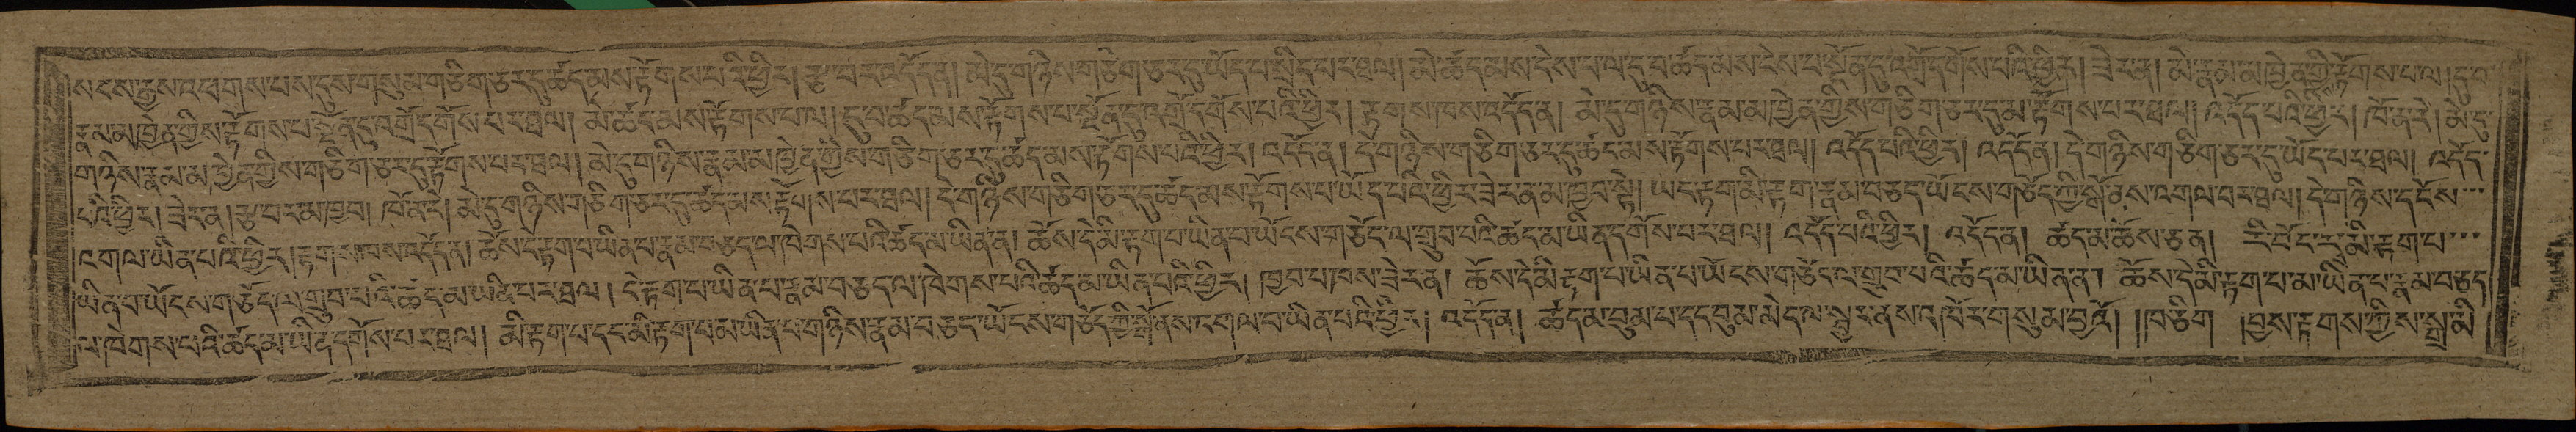སངས་རྒྱས་འཕགས་པས་དུས་གསུམ་གཅིག་ཅར་དུ་ཚད་མས་རྟོགས་པའི་ཕྱིར། རྩ་བར་འདོད་ན། མེ་དུ་གཉིས་གཅིག་ཅར་དུ་ཡོད་པ་སྲིད་པར་ཐལ། མེ་ཚད་མས་ངེས་པ་ལ་དུ་བ་ཚད་མས་ངེས་པ་སྔོན་དུ་འགྲོ་དགོས་པའི་ཕྱིར། ཟེར་ན། མེ་རྣམ་མཁྱེན་གྱི་རྟོགས་པ་ལ། དུ་བ་
རྣམ་མཁྱེན་གྱིས་རྟོགས་པ་སྔོན་དུ་འགྲོ་དགོས་པར་ཐལ། མེ་ཚད་མས་རྟོགས་པ་ལ། དུ་བ་ཚད་མས་རྟོགས་པ་སྔོན་དུ་འགྲོ་དགོས་པའི་ཕྱིར། རྟགས་ཁས་འདོད་ན། མེ་དུ་གཉིས་རྣམ་མཁྱེན་གྱིས་གཅིག་ཅར་དུ་མ་རྟོགས་པར་ཐལ། འདོད་པའི་ཕྱིར། ཁོ་ན་རེ། མེ་དུ་
གཉིས་རྣམ་མཁྱེན་གྱིས་གཅིག་ཅར་དུ་རྟོགས་པར་ཐལ། མེ་དུ་གཉིས་རྣམ་མཁྱེན་གྱིས་གཅིག་ཅར་དུ་ཚད་མས་རྟོགས་པའི་ཕྱིར། འདོད་ན། དེ་གཉིས་གཅིག་ཅར་དུ་ཚད་མས་རྟོགས་པར་ཐལ། འདོད་པའི་ཕྱིར། འདོད་ན། དེ་གཉིས་གཅིག་ཅར་དུ་ཡོད་པར་ཐལ། འདོད་
པའི་ཕྱིར། ཟེར་ན། རྩ་བར་མ་ཁྱབ། ཁོ་ན་རེ། མེ་དུ་གཉིས་གཅིག་ཅར་དུ་ཚད་མས་རྟོགས་པར་ཐལ། དེ་གཉིས་གཅིག་ཅར་དུ་ཚད་མས་རྟོགས་པ་ཡོད་པའི་ཕྱིར་ཟེར་ན་མ་ཁྱབ་སྟེ། ཡང་རྟག་མི་རྟག་རྣམ་བཅད་ཡོངས་གཅོད་ཀྱི་སྒོ་ནས་འགལ་བར་ཐལ། དེ་གཉིས་དངོས་
འགལ་ཡིན་པའི་ཕྱིར། རྟགས་ཁས་འདོད་ན། ཆོས་དེ་རྟག་པ་ཡིན་པ་རྣམ་བཅད་ལ་ཁེགས་པའི་ཚད་མ་ཡིན་ན། ཆོས་དེ་མི་རྟག་པ་ཡིན་པ་ཡོངས་གཅོད་ལ་གྲུབ་པའི་ཚད་མ་ཡིན་དགོས་པར་ཐལ། འདོད་པའི་ཕྱིར། འདོད་ན། ཚད་མ་ཆོས་ཅན། རི་བོང་རྭ་མི་རྟག་པ་
ཡིན་པ་ཡོངས་གཅོད་ལ་གྲུབ་པའི་ཚད་མ་ཡིན་པར་ཐལ། དེ་རྟག་པ་ཡིན་པ་རྣམ་བཅད་ལ་ཁེགས་པའི་ཚད་མ་ཡིན་པའི་ཕྱིར། ཁྱབ་པ་ཁས་ཟེར་ན། ཆོས་དེ་མི་རྟག་པ་ཡིན་པ་ཡོངས་གཅོད་ལ་གྲུབ་པའི་ཚད་མ་ཡིན་ན། ཆོས་དེ་མི་རྟག་པ་མ་ཡིན་པ་རྣམ་བཅད་
ལ་ཁེགས་པའི་ཚད་མ་ཡིན་དགོས་པར་ཐལ། མི་རྟག་པ་དང་མི་རྟག་པ་མ་ཡིན་པ་གཉིས་རྣམ་བཅད་ཡོངས་གཅོད་ཀྱི་སྒོ་ནས་འགལ་བ་ཡིན་པའི་ཕྱིར། འདོད་ན། ཚད་མ་བུམ་པ་དང་བུམ་མེད་ལ་སྦྱར་ནས་འཁོར་གསུམ་བྱའོ། །ཁ་ཅིག །བྱས་རྟགས་ཀྱིས་སྒྲ་མི་